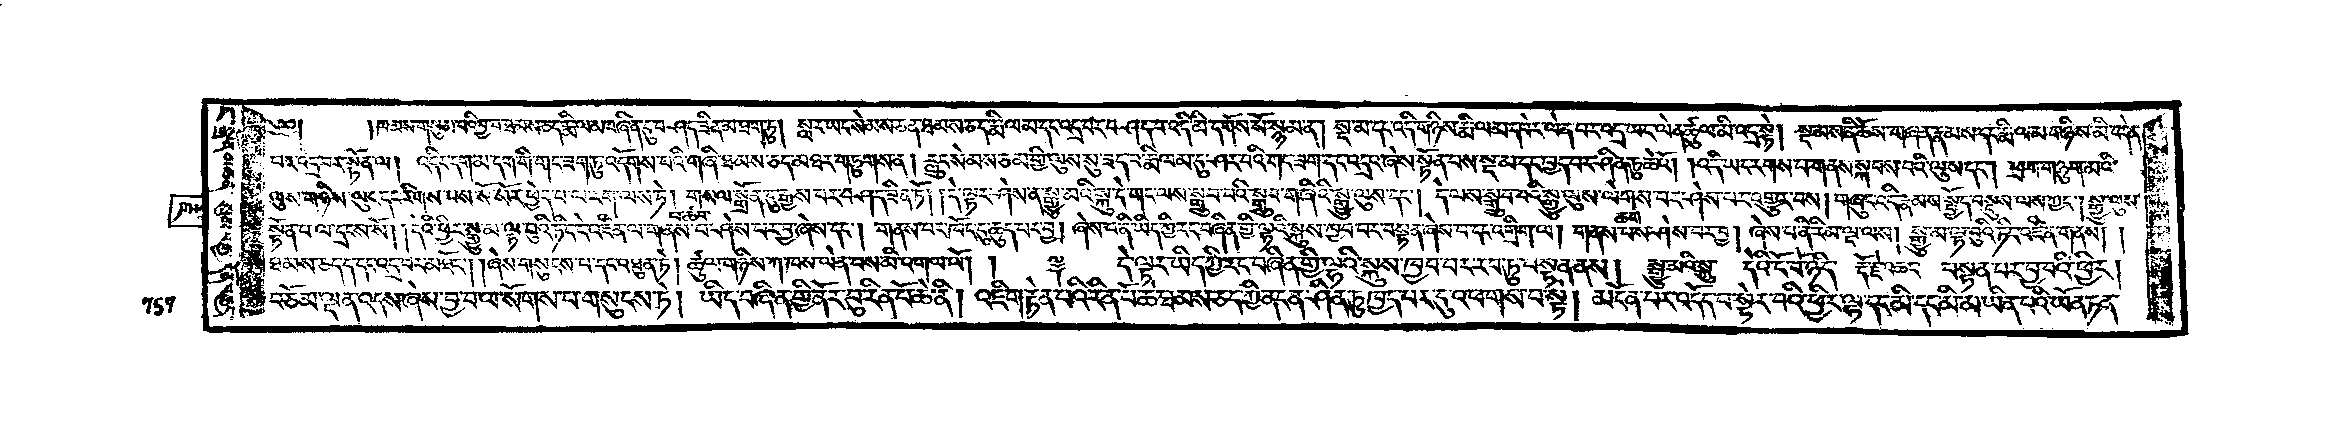༄༅། །ཁམས་གསུམ་པའི་བྱ་བ་ཐམས་ཅད་རྨི་ལམ་བཞིན་དུ་བཤད་ཟིན་མ་ཐག་ཏུ། སླར་ཡང་སེམས་ཅན་ཐམས་ཅད་རྨི་ལམ་དང་འདྲ་བར་བཤད་པ་འདི་མི་དགོས་སོ་སྙམ་ན། སྔ་མ་དང་འདི་གཉིས་རྨི་ལམ་དཔེར་ལེན་པར་འདྲ་ཡང་ལེན་ཚུལ་མི་འདྲ་སྟེ། སྔ་མས་ནི་ཆོས་གཞན་རྣམས་དང་རྨི་ལམ་གཉིས་མི་བདེན་
པར་འདྲ་བར་སྟོན་ལ། འདིར་དག་མ་དག་གི་གང་ཟག་ཏུ་འདོགས་པའི་གཞི་ཐམས་ཅད་མཐར་གཏུགས་ན། རླུང་སེམས་ཙམ་གྱི་ལུས་སུ་ཟད་པ་རྨི་ལམ་དུ་ཤར་བའི་གང་ཟག་དང་འདྲའོ་ཞེས་སྟོན་པས་སྔ་མ་དང་ཁྱད་པར་ཤིན་ཏུ་ཆེའོ། །འདི་ཡང་རགས་པ་གནས་སྐབས་པའི་ལུས་དང་། ཕར་བ་གཉུག་མའི་
ལུས་གཉིས་ལུང་དང་རིགས་པས་སོ་སོར་ཕྱེད་པ་ལ་རག་ལས་ཏེ། གསལ་སྒྲོན་དུ་རྒྱས་པར་བཤད་ཟིན་ཏོ། །དེ་ལྟར་ཤེས་ན་སྒྱུ་མའི་སྐུ་དེ་གང་ལས་སྒྲུབ་པའི་སྒྲུབ་གཞིའི་སྒྱུ་ལུས་དང་། དེ་ལས་སྒྲུབ་པའི་སྒྱུ་ལུས་ལེགས་པར་ཤེས་པར་འགྱུར་བས། གཞུང་འདི་རྣམས་སྤྱོད་བསྡུས་ལས་ཀྱང་། སྒྱུ་ལུས་
སྟོན་པ་ལ་དྲངས་སོ། །དེའི་ཕྱིར་སྒྱུ་མ་ལྟ་བུའི་ཏིང་ངེ་འཛིན་ལ་གནས་པ་ཚབ་པ་ཤེས་པར་བྱ་ཞེས་དང་། གནས་པར་ཁོང་དུ་ཆུད་པར་བྱ། ཞེས་པ་ནི་ཡིད་ཀྱི་རང་བཞིན་གྱི་ལྷའི་སྐུས་ཁྱབ་པར་བསྟན་ཞེས་པ་དང་འགྲིག་ལ། གནས་པས་ཆག་ཤེས་པར་བྱ། ཞེས་པ་ནི་རིམ་ལྔ་ལས། སྒྱུ་མ་ལྟ་བུའི་ཏིང་འཛིན་གནས། །
ཐམས་ཅད་དེ་དང་འདྲ་བར་མཐོང་། །ཞེས་གསུངས་པ་དང་འཐུན་ཏེ། ཚུལ་གཉིས་ཀ་ཁས་ལེན་བས་མི་འགལ་ལོ། ། ༈ དེ་ལྟར་ཡིད་ཀྱི་རང་བཞིན་གྱི་ལྷའི་སྐུས་ཁྱབ་པར་རབ་ཏུ་བསྟན་ནས། སྒྱུ་མའི་སྐུ་དེའི་ངོ་བོ་ཉིད་རྡོ་རྗེ་འཆང་བསྟན་པར་བྱ་བའི་ཕྱིར།
བཅོམ་ལྡན་འདས་ཞེས་བྱ་བ་ལ་སོགས་པ་གསུངས་ཏེ། ཡིད་བཞིན་གྱི་ནོར་བུ་རིན་པོ་ཆེ་ནི། འཇིག་རྟེན་པའི་རིན་པོ་ཆེ་ཐམས་ཅད་ཀྱི་ནང་ན་ཤིན་ཏུ་ཁྱད་པར་དུ་འཕགས་པ་སྟེ། མངོན་པར་འདོད་པ་སྟེར་བའི་ཕྱིར་ལྷ་དང་མི་དང་མི་མ་ཡིན་པའི་ཡོན་ཏན་